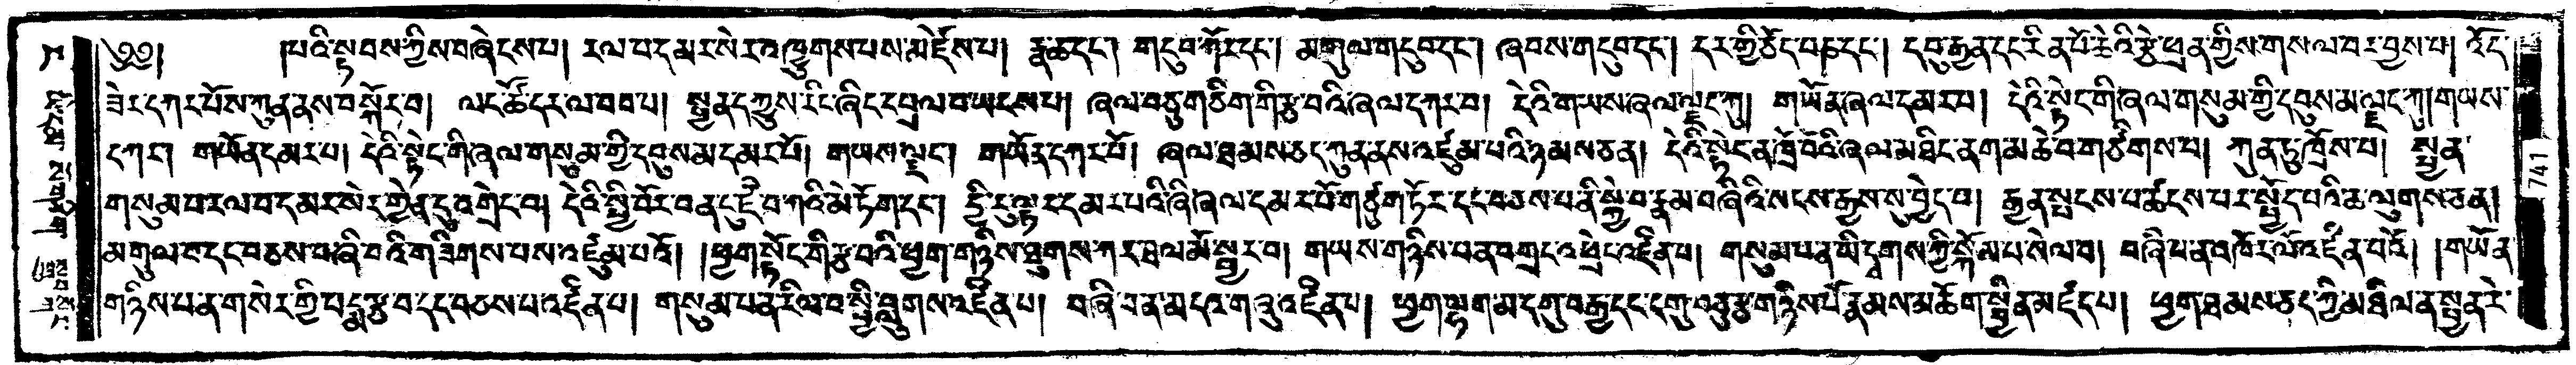༄༅། །པའི་སྟབས་ཀྱིས་བཞེངས་པ། རལ་པ་དམར་སེར་འཁྱུགས་པས་མཛེས་པ། རྣ་ཆ་དང་། གདུབ་གོར་དང་། མགུལ་གདུབ་དང་། ཞབས་གདུབ་དང་། དར་གྱི་ཅོད་པཎ་དང་། དབུ་རྒྱན་དང་རིན་པོ་ཆེའི་རྩེ་ཕྲན་གྱིས་གསལ་བར་བྱས་པ། འོད་
ཟེར་དཀར་པོས་ཀུན་ནས་བསྐོར་བ། ལང་ཚོ་དར་ལ་བབ་པ། སྤྱན་དཀྱུས་རིང་ཞིང་དཔྲལ་བ་ཡངས་པ། ཞལ་བཅུ་གཅིག་གི་རྩ་བའི་ཞལ་དཀར་བ། དེའི་གཡས་ཞལ་ལྗང་ཀུ། གཡོན་ཞལ་དམར་པ། དེའི་སྟེང་གི་ཞལ་གསུམ་གྱི་དབུས་མ་ལྗང་ཀུ། གཡས་
དཀར། གཡོན་དམར་པ། དེའི་སྟེང་གི་ཞལ་གསུམ་གྱི་དབུས་མ་དམར་པོ། གཡས་ལྗང་། གཡོན་དཀར་པོ། ཞལ་ཐམས་ཅད་ཀུན་ནས་འཛུམ་པའི་ཉམས་ཅན། དེའི་སྟེང་ན་ཁྲོ་བོའི་ཞལ་མཐིང་ནག་མཆེ་བ་གཅིགས་པ། ཀུན་ཏུ་ཁྲོས་པ། སྤྱན་
གསུམ་བ་རལ་བ་དམར་སེར་གྱེན་དུ་འགྲེང་བ། དེའི་སྦྱི་བོར་བན་དུ་ཛི་བ་ཀའི་མེ་ཏོག་དང་། དྱི་རུ་ལྟར་དམར་པའི་ཞི་ཞལ་དམར་པོ་གཙུག་ཏོར་དང་བཅས་པ་ནི་སྐྱེ་བ་རྣམ་བཞིའི་སངས་རྒྱས་སུ་བྱེད་པ། རྒྱན་སྤངས་པ་ཚངས་པར་སྤྱོད་པའི་ཆ་ལུགས་ཅན།
མགུལ་བ་དང་བཅས་བ་ཞི་བའི་གཟིགས་པས་འཛུམ་པའོ། །ཕྱག་སྟོང་གི་རྩ་བའི་ཕྱག་གཉིས་ཐུགས་ཀར་ཐལ་མོ་སྦྱར་བ། གཡས་གཉིས་པ་ན་བགྲང་འཕྲེང་འཛིན་པ། གསུམ་པ་ན་ཡི་དྭགས་ཀྱི་སྐོམ་པ་སེལ་བ། བཞི་པ་ན་འཁོར་ལོ་འཛིན་པའོ། །གཡོན་
གཉིས་པ་ན་གསེར་གྱི་པདམ་རྩ་བ་དང་བཅས་པ་འཛིན་པ། གསུམ་པ་ན་རིལ་བ་སྤྱི་བླུགས་འཛིན་པ། བཞི་པ་ན་མདའ་གཞུ་འཛིན་པ། ཕྱག་ལྷག་མ་དགུ་བརྒྱ་དང་དགུ་བཅུ་རྩ་གཉིས་པོ་རྣམས་མཆོག་སྦྱིན་མཛད་པ། ཕྱག་ཐམས་ཅད་ཀྱི་མཐིལ་ན་སྤྱན་རེ་